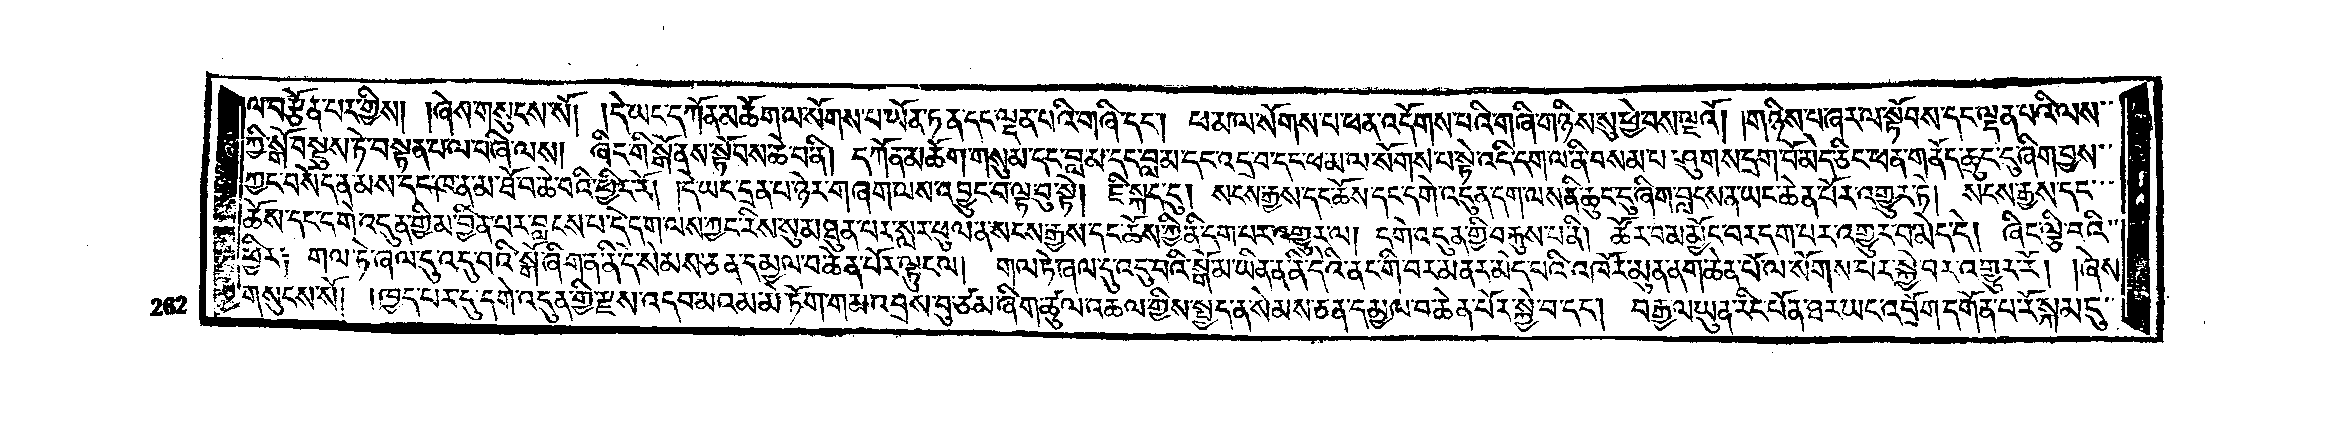ལ་བརྩོན་པར་གྱིས། །ཞེས་གསུངས་སོ། །དེ་ཡང་དཀོན་མཆོག་ལ་སོགས་པ་ཡོན་ཏན་དང་ལྡན་པའི་གཞི་དང་། ཕ་མ་ལ་སོགས་པ་ཕན་འདོགས་པའི་གཞི་གཉིས་སུ་ཕྱེ་བས་ལྔའོ། །གཉིས་པ་ཞར་ལ་སྟོབས་དང་ལྡན་པའི་ལས་
ཀྱི་སྒོ་བསྡུས་ཏེ་བསྟན་པ་ལ་བཞི་ལས། ཞིང་གི་སྒོ་ནས་སྟོབས་ཆེ་བ་ནི། དཀོན་མཆོག་གསུམ་དང་བླ་མ་དང་བླ་མ་དང་འདྲ་བ་དང་ཕ་མ་ལ་སོགས་པ་སྟེ་འདི་དག་ལ་ནི་བསམ་པ་ཤུགས་དྲག་པོ་མེད་ཅིང་ཕན་གནོད་ཆུང་ངུ་ཞིག་བྱས་
ཀྱང་བསོད་ནམས་དང་ཁ་ན་མ་ཐོ་བ་ཆེ་བའི་ཕྱིར་རོ། །དེ་ཡང་དྲན་པ་ཉེར་གཞག་ལས་འབྱུང་བ་ལྟ་བུ་སྟེ། ཇི་སྐད་དུ། སངས་རྒྱས་དང་ཆོས་དང་དགེ་འདུན་དག་ལས་ནི་ཆུང་ངུ་ཞིག་བླངས་ན་ཡང་ཆེན་པོར་འགྱུར་ཏེ། སངས་རྒྱས་དང་
ཆོས་དང་དགེ་འདུན་གྱི་མ་བྱིན་པར་བླངས་པ་དེ་དག་ལས་ཀྱང་རིས་སུ་མཐུན་པར་སླར་ཕུལ་ན་སངས་རྒྱས་དང་ཆོས་ཀྱི་ནི་དག་པར་འགྱུར་ལ། དགེ་འདུན་གྱི་བརྐུས་པ་ནི། ཚོར་བ་མ་མྱོང་བར་དག་པར་འགྱུར་བ་མེད་དེ། ཞིང་ལྕི་བའི་
ཕྱིར༑ གལ་ཏེ་ཞལ་དུ་འདུ་བའི་སྒོ་ཞིག་ན་ནི་དེ་སེམས་ཅན་དམྱལ་བ་ཆེན་པོར་ལྟུང་ལ། གལ་ཏེ་ཞལ་དུ་འདུ་བའི་སྒོམ་ཡིན་ན་ནི་དེའི་ནང་གི་བར་མནར་མེད་པའི་འཁོར་མུན་ནག་ཆེན་པོ་ལ་སོགས་པར་སྐྱེ་བར་འགྱུར་རོ། །ཞེས་
གསུངས་སོ། །ཁྱད་པར་དུ་དགེ་འདུན་གྱི་རྫས་འདབ་མའམ་མེ་ཏོག་གམ་འབྲས་བུ་ཙམ་ཞིག་ཚུལ་འཆལ་གྱིས་སྤྱད་ན་སེམས་ཅན་དམྱལ་བ་ཆེན་པོར་སྐྱེ་བ་དང་། བརྒྱལ་ཡུན་རིང་པོ་ན་ཐར་ཡང་འབྲོག་དགོན་པ་རོ་སྐམ་དུ་